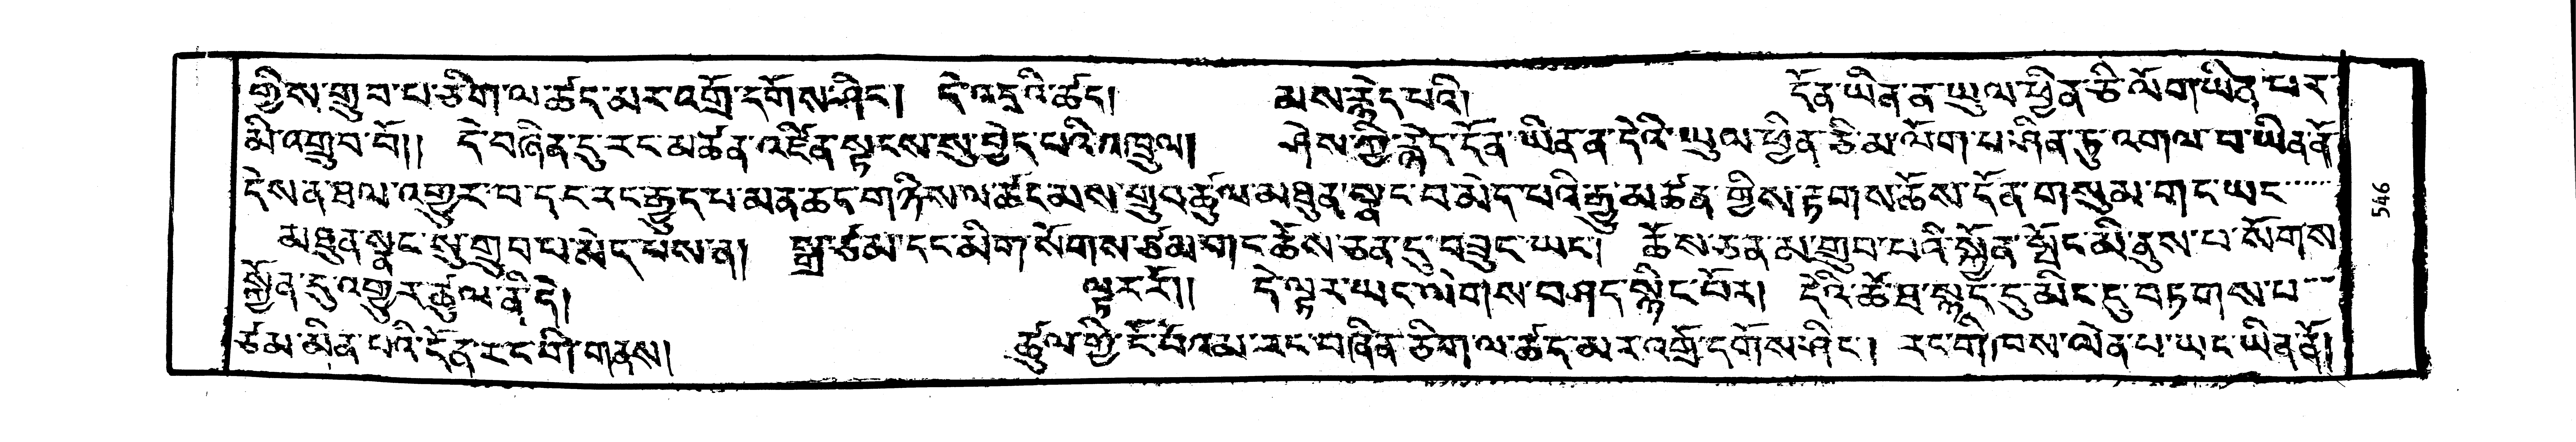གྱིས་གྲུབ་པ་ཅིག་ལ་ཚད་མར་འགྲོ་དགོས་ཤིང་། དེ་འདྲའི་ཚད། མས་རྙེད་པའི། དོན་ཡིན་ན་ཡུལ་ཕྱིན་ཅི་ལོག་ཡིན་པར་
མི་འགྲུབ་བོ། །དེ་བཞིན་དུ་རང་མཚན་འཛིན་སྟངས་སུ་བྱེད་པའི་འཁྲུལ། ཤེས་ཀྱི་རྙེད་དོན་ཡིན་ན་དེའི་ཡུལ་ཕྱིན་ཅི་མ་ལོག་པ་ཤིན་ཏུ་འགལ་བ་ཡིན་ནོ་
དེས་ན་ཐལ་འགྱུར་བ་དང་རང་རྒྱུད་པ་མན་ཆད་གཉིས་ལ་ཚང་མས་གྲུབ་ཚུལ་མཐུན་སྣང་བ་མེད་པའི་རྒྱུ་མཚན་གྱིས་རྟགས་ཆོས་དོན་གསུམ་གང་ཡང་
མཐུན་སྣང་སུ་གྲུབ་པ་མེད་པས་ན། སྒྲ་ཙམ་དང་མིག་སོགས་ཙམ་གང་ཆོས་ཅན་དུ་བཟུང་ཡང་། ཆོས་ཅན་མ་གྲུབ་པའི་སྐྱོན་སྤོང་མི་ནུས་པ་སོགས་
སྐྱོན་དུ་འགྱུར་ཚུལ་ནི་དེ། ལྟར་རོ། །དེ་ལྟར་ཡང་ལེགས་བཤད་སྙིང་པོར། དེའི་ཚེ་ཐ་སྙད་དུ་མིང་དུ་བཏགས་པ་
ཙམ་མིན་པའི་དོན་རང་གི་གནས། ཚུལ་གྱི་ངོ་བོའམ་རང་བཞིན་ཅིག་ལ་ཚད་མར་འགྲོ་དགོས་ཤིང་། རང་གི་ལས་ལེན་པ་ཡང་ཡིན་ནོ།